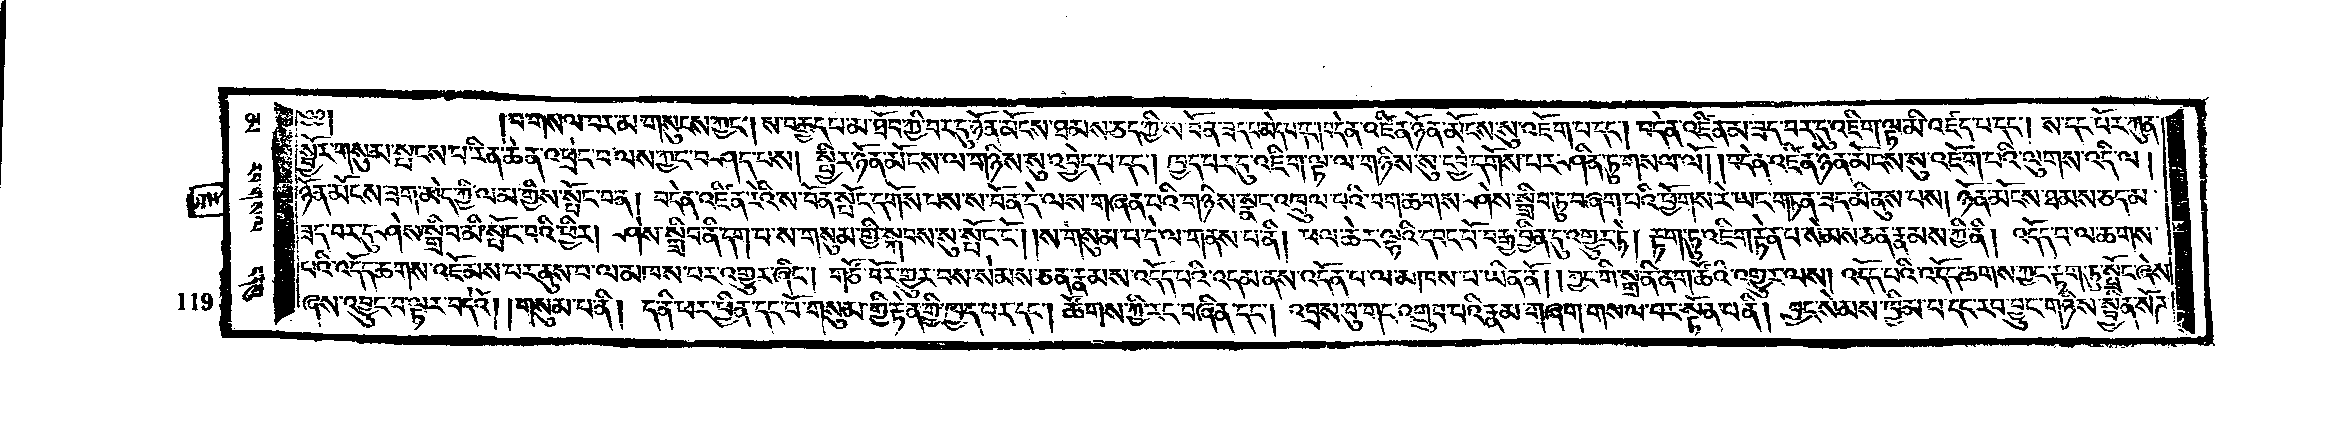༄༅། །བ་གསལ་བར་མ་གསུངས་ཀྱང་། ས་བརྒྱད་པ་མ་ཐོབ་ཀྱི་བར་དུ་ཉོན་མོངས་ཐམས་ཅད་ཀྱི་ས་བོན་ཟད་པ་མེད་པ་དང་། བདེན་འཛིན་ཉོན་མོངས་སུ་འཇོག་པ་དང་། བདེན་འཛིན་མ་ཟད་བར་དུ་འཇིག་ལྟ་མི་འཛད་པ་དང་། ས་དང་པོར་ཀུན་
སྦྱོར་གསུམ་སྤངས་པ་རིན་ཆེན་འཕྲེང་བ་ལས་ཀྱང་བཤད་པས། སྤྱིར་ཉོན་མོངས་ལ་གཉིས་སུ་འབྱེད་པ་དང་། ཁྱད་པར་དུ་འཇིག་ལྟ་ལ་གཉིས་སུ་དབྱེ་དགོས་པར་ཤིན་ཏུ་གསལ་ལོ། །བདེན་འཛིན་ཉོན་མོངས་སུ་འཇོག་པའི་ལུགས་འདི་ལ།
ཉོན་མོངས་ཟག་མེད་ཀྱི་ལམ་གྱིས་སྤོང་བ་ན། བདེན་འཛིན་རེའི་ས་བོན་སྤོང་དགོས་པས་ས་བོན་དེ་ལས་གཞན་པའི་གཉིས་སྣང་འཁྲུལ་པའི་བག་ཆགས་ཤེས་སྒྲིབ་ཏུ་བཞག་པའི་ཕྱོགས་རེ་ཡང་གཏན་ཟད་མི་ནུས་པས། ཉོན་མོངས་ཐམས་ཅད་མ་
ཟད་བར་དུ་ཤེས་སྒྲིབ་མི་སྤོང་བའི་ཕྱིར། ཤེས་སྒྲིབ་ནི་དག་པ་ས་གསུམ་གྱི་སྐབས་སུ་སྤོང་ངོ། །ས་གསུམ་པ་དེ་ལ་གནས་པ་ནི། ཕལ་ཆེར་ལྷའི་དབང་པོ་བརྒྱ་བྱིན་དུ་འགྱུར་ཏེ། རྟག་ཏུ་འཇིག་རྟེན་པ་སེམས་ཅན་རྣམས་ཀྱི་ནི། འདོད་པ་ལ་ཆགས་
པའི་འདོད་ཆགས་འཇོམས་པར་ནུས་པ་ལ་མཁས་པར་འགྱུར་ཞིང་། གཙོ་བོར་གྱུར་བས་སེམས་ཅན་རྣམས་འདོད་པའི་འདམ་ནས་འདོན་པ་ལ་མཁས་པ་ཡིན་ནོ། །ཀྱང་གི་སྒྲ་ནི་ནག་ཚོའི་འགྱུར་ལས། འདོད་པའི་འདོད་ཆགས་ཀྱང་རྟག་ཏུ་སྤོང་
ཞེས་འབྱུང་བ་ལྟར་བདེའོ། །གསུམ་པ་ནི། དེ་ནི་ཕར་ཕྱིན་དང་པོ་གསུམ་གྱི་རྟེན་གྱི་ཁྱད་པར་དང་། ཚོགས་ཀྱི་རང་བཞིན་དང་། འབྲས་བུ་གང་འགྲུབ་པའི་རྣམ་གཞག་གསལ་བར་སྟོན་པ་ནི། བྱང་སེམས་ཁྱིམ་པ་དང་རབ་བྱུང་གཉིས་སྦྱིན་སོགས་